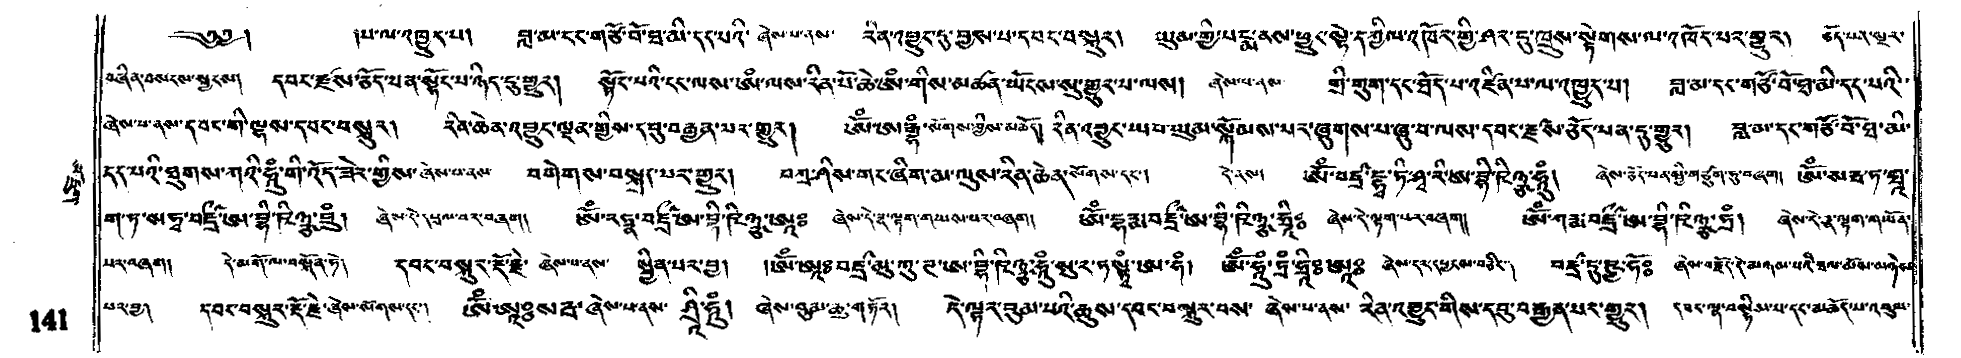༄༅། །པ་ལ་འཁྱུད་པ། བླ་མ་དང་གཙོ་བོ་ཐ་མི་དད་པའི་ཞེས་པ་ནས་རིན་འབྱུང་དུ་བྱས་པ་དབང་བསྐུར། ཡུམ་གྱི་པདམ་ནས་ཕྱུང་སྟེ་དཀྱིལ་འཁོར་གྱི་ཤར་དུ་ཁྲུས་སྟེགས་ལ་འཁོད་པར་གྱུར། ཅོད་པན་སྔར་
བཞིན་བསངས་སྦྱངས། དབང་རྫས་ཅོད་པན་སྟོང་པ་ཉིད་དུ་གྱུར། སྟོང་པའི་ངང་ལས་ཨཾ་ལས་རིན་པོ་ཆེ་ཨཾ་གིས་མཚན་ཡོངས་སུ་གྱུར་པ་ལས། ཞེས་པ་ནས་གྲི་གུག་དང་ཐོད་པ་འཛིན་པ་ལ་འཁྱུད་པ། བླ་མ་དང་གཙོ་བོ་ཐ་མི་དད་པའི་
ཞེས་པ་ནས་དབང་གི་ལྷས་དབང་བསྐུར། རིན་ཆེན་འབྱུང་ལྡན་གྱིས་དབུ་བརྒྱན་པར་གྱུར། ཨོཾ་ཨརྒྷཾ་སོགས་ཀྱིས་མཆོད།  རིན་འབྱུང་ཡབ་ཡུམ་སྙོམས་པར་ཞུགས་པ་ཞུ་བ་ལས་དབང་རྫས་ཅོད་པན་དུ་གྱུར། བླ་མ་དང་གཙོ་བོ་ཐ་མི་
དད་པའི་ཐུགས་ཀའི་ཧཱུཾ་གི་འོད་ཟེར་གྱིས་ཞེས་པ་ནས་བགེགས་བསྐྲད་པར་གྱུར། བཀྲ་ཤིས་གང་ཞིག་མ་ལུས་རིན་ཆེན་སོགས་དང་། དེ་ནས།  ཨོཾ་བཛྲ་དྷྭ་ཏི་ཤྭ་རི་ཨ་བྷི་ཥིཉྩ་ཧཱུཾ། ཞེས་ཅོད་པན་སྤྱི་གཙུག་ཏུ་བཞག།  ཨོཾ་སརྦ་ཏ་ཐཱ་
ག་ཏ་སཏྭ་བཛྲ་ཨ་བྷི་ཥིཉྩ་བྲུཾ། ཞེས་དེ་དཔྲལ་བར་བཞག།  ཨོཾ་རཏྣ་བཛྲ་ཨ་བྷི་ཥིཉྩ་ཨཱཿ ཞེས་དེ་རྣ་ལྷག་གཡས་པར་བཞག།  ཨོཾ་དྷརྨ་བཛྲ་ཨ་བྷི་ཥིཉྩ་ཧྲཱིཿ ཞེས་དེ་ལྷག་པར་བཞག།  ཨོཾ་ཀརྨ་བཛྲ་ཨ་བྷི་ཥིཉྩ་ཏྲཾ། ཞེས་དེ་རྣ་ལྷག་གཡོན་
པར་བཞག། དེ་མགོ་ལ་བསྐོན་ཏེ། དབང་བསྐུར་རྡོ་རྗེ་ཞེས་པ་ནས་སྦྱིན་པར་བྱ། །ཨོཾ་ཨཱཿ བཛྲ་མུ་ཀུ་ཊ་ཨ་བྷི་ཥིཉྩ་ཧཱུཾ་སུ་ར་ཏ་སྟྭཾ་ཨ་ཧཾ། ཨོཾ་ཧཱུཾ་ཏྲཾ་ཧྲཱིཿ ཨཱཿ ཞེས་དར་དབྱངས་བཅིང་།  བཛྲ་ཏུཥྱ་ཧོཿ ཞེས་བརྗོད་དེ་མཉམ་པའི་ཐལ་མོས་མཉེས་
པར་བྱ། དབང་བསྐུར་རྡོ་རྗེ་ཞེས་སོགས་དང་།  ཨོཾ་ཨཱཿ སརྦ་ཞེས་པ་ནས་ཤྲཱི་ཧཱུཾ། ཞེས་བུམ་ཆུ་གཏོར།  དེ་ལྟར་བུམ་པའི་ཆུས་དབང་བསྐུར་བས་ཞེས་པ་ནས་རིན་འབྱུང་གིས་དབུ་བརྒྱན་པར་གྱུར། དབང་ལྷ་བསྟིམ་པ་དང་མཆོད་པ་འབུལ་